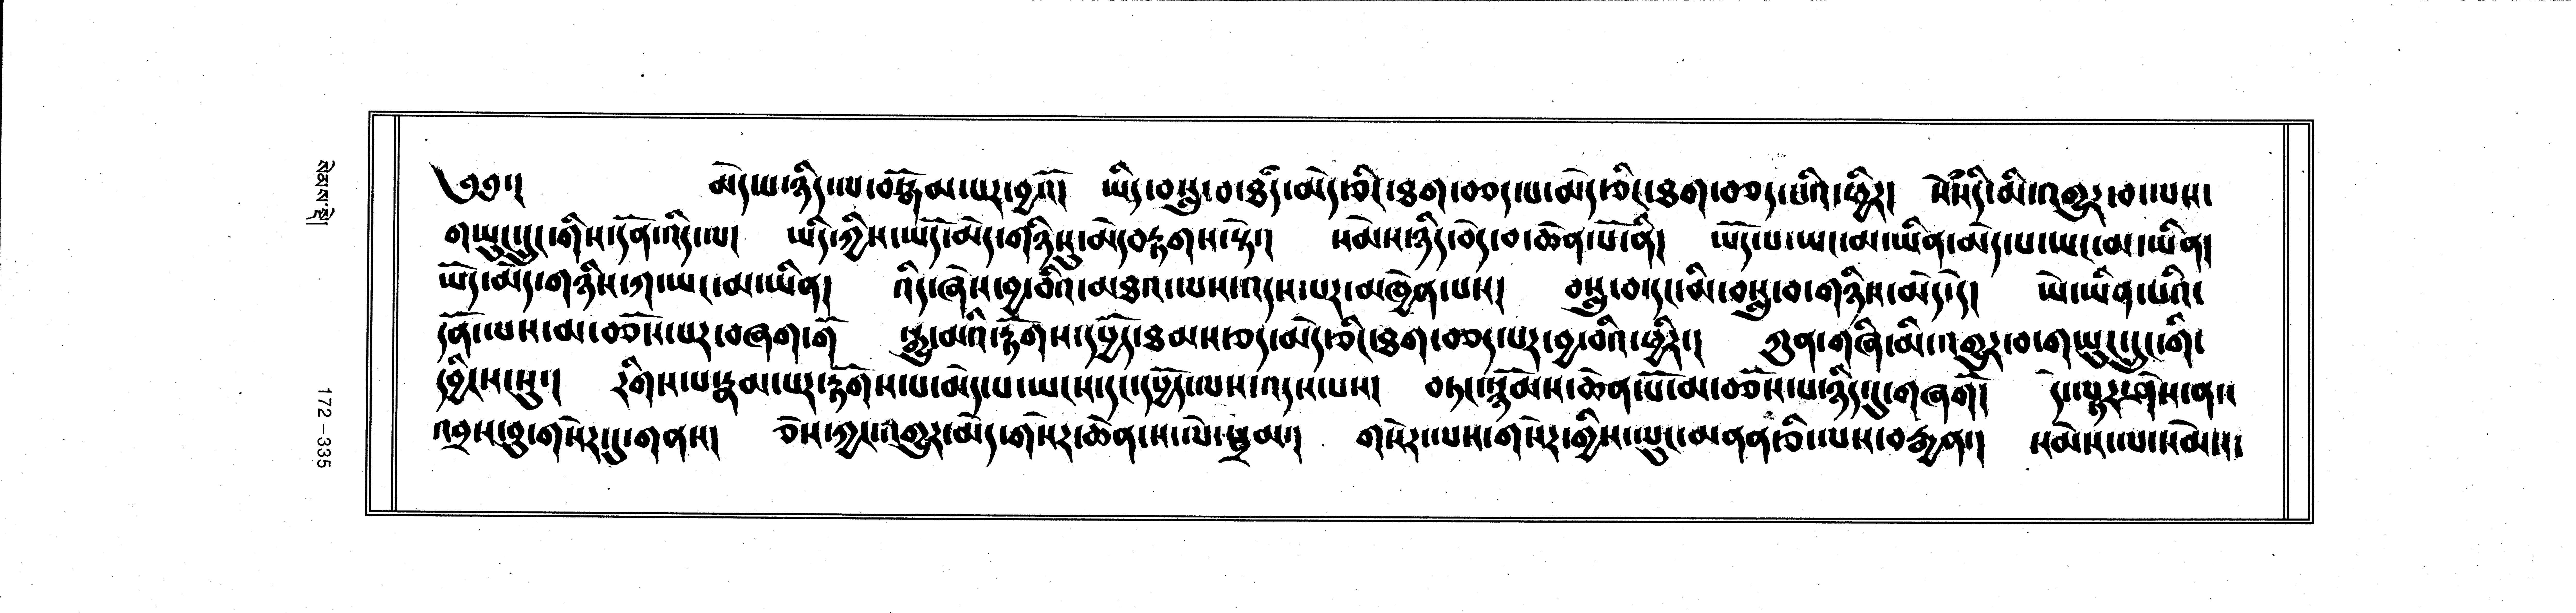པ་ཉིད་ལ་བསྒོམ་པར་བྱའོ། ཡིད་བསླུ་བ་ཐམས་ཅད་མེད་ཅིང་ཐག་བཅད་པ་མེད་ཅིང་ཐག་བཅད་པའི་ཕྱིར། སེམས་ཉིད་མི་འགྱུར་བ་ལས་
གཡུང་དྲུང་གིས་དོན་འདི་ལ། ཡིད་ཀྱིས་ཡོད་མེད་གཉིས་སུ་མེད་བརྟགས་སྟེ། སེམས་ཉིད་བདེ་བ་ཆེན་པོ་ནི། ཡོད་པ་ཡང་མ་ཡིན་མེད་པ་ཡང་མ་ཡིན། 
ཡོད་མེད་གཉིས་ཀ་ཡང་མ་ཡིན། འདི་ཞེས་བྱ་བའི་མཐའ་ལས་འདས་པར་མཁྱེན་པས། བསླུ་བ་དང་མི་བསླུ་བ་གཉིས་མེད་དེ། ཡེ་ཡིན་པའི་
དོན་ལས་མ་བཅོས་པར་བཞག་གོ། སྒྱུ་མའི་རྟོགས་དཔྱོད་ཐམས་ཅད་མེད་ཅིང་ཐག་བཅད་པར་བྱ་བའི་ཕྱིར། ཀུན་གཞི་མི་འགྱུར་བ་གཡུང་དྲུང་གི་
དབྱིངས་སུ། རིག་པ་རྣམ་པར་རྟོགས་པ་མེད་པ་ཡངས་དང་དཔྱོད་ལས་འདས་པས། བཏང་སྙོམས་ཆེན་པོ་མ་བཅོས་པ་ཉིད་དུ་གཞག་གོ། དེ་ལྟར་ཤེས་ནས་
འབྲས་བུ་གསེར་དུ་གནས། ཅེས་ཀྱང་འགྱུར་མེད་གསེར་ཆེན་ས་ལེ་སྦྲམ། གསེར་ལས་གསེར་གྱིས་ལུང་མནན་ཅི་ལས་བརྒྱན། སེམས་ལ་སེམས་ཀྱིས་ལུང་མནན་